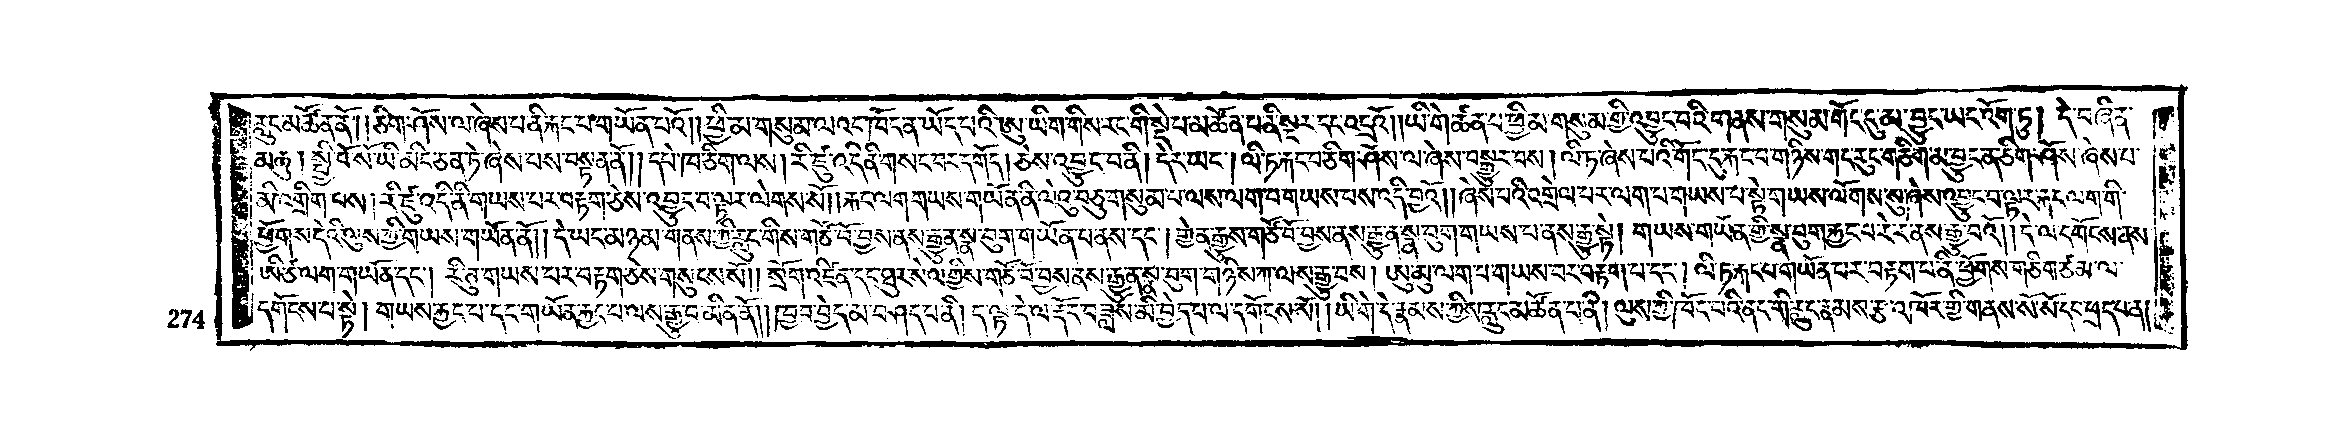རླུང་མཚོན་ནོ། །ཅིག་ཤོས་ལ་ཞེས་པ་ནི་རྐང་པ་གཡོན་པའོ། །ཕྱི་མ་གསུམ་ལའང་ཁོང་ན་ཡོད་པའི་ཨུ་ཡིག་གིས་རང་གི་སྡེ་པ་མཚོན་པ་ནི་སྔར་དང་འདྲའོ། །ཡི་གེ་ཚན་པ་ཕྱི་མ་གསུམ་གྱི་འབྱུང་བའི་གནས་གསུམ་གོང་དུ་མ་བྱུང་ཡང་འོག་ཏུ། དེ་བཞིན་
མཆུ། སྤྱི་བོ་སོ་ཡི་མིང་ཅན་ཏེ་ཞེས་པས་བསྟན་ནོ། །དཔེ་ཁ་ཅིག་ལས། རི་ཛུ་འདི་ནི་གསང་བར་དགོད། ཅེས་འབྱུང་བ་ནི། དེར་ཡང་། ལི་ཏ་རྐང་པ་ཅིག་ཤོས་ལ་ཞེས་བསྒྱུར་བས། ལི་ཏ་ཞེས་པའི་གོང་དུ་རྐང་པ་གཉིས་གང་རུང་གཅིག་མ་བྱུང་ན་ཅིག་ཤོས་ཞེས་པ་
མི་འགྲིག་པས། རི་ཛུ་འདི་ནི་གཡས་པར་བརྟག་ཅེས་འབྱུང་བ་ལྟར་ལེགས་སོ། །རྐང་ལག་གཡས་གཡོན་ནི་ལེའུ་བཅུ་གསུམ་པ་ལས་ལག་པ་གཡས་པས་འདི་བྱའོ། །ཞེས་པའི་འགྲེལ་པར་ལག་པ་གཡས་པ་སྟེ་གཡས་ལོགས་སུ་ཞེས་འབྱུང་བ་ལྟར་རྐང་ལག་གི་
ཕྱོགས་དེའི་ལུས་ཀྱི་གཡས་གཡོན་ནོ། །དེ་ཡང་མཉམ་གནས་ཀྱི་རླུང་གིས་གཙོ་བོ་བྱས་ནས་རྒྱུ་ན་སྣ་བུག་གཡོན་པ་ནས་དང་། གྱེན་རྒྱུས་གཙོ་བོ་བྱས་ནས་རྒྱུ་ན་སྣ་བུག་གཡས་པ་ནས་རྒྱུ་སྟེ། གཡས་གཡོན་གྱི་སྣ་བུག་རྐྱང་པ་རེ་རེ་ནས་རྒྱུ་བའོ། །དེ་ལ་དགོངས་ནས་
ཨི་ཙ་ལག་གཡོན་དང་། རི་ཊུ་གཡས་པར་བརྟག་ཅེས་གསུངས་སོ། །སྲོག་འཛིན་དང་ཐུར་སེལ་གྱིས་གཙོ་བོ་བྱས་ནས་རྒྱུ་ན་སྣ་བུག་གཉིས་ཀ་ལས་རྒྱུ་བས། ཨུ་མུ་ལག་པ་གཡས་པར་བརྟག་པ་དང་། ལི་ཏ་རྐང་པ་གཡོན་པར་བརྟག་པ་ནི་ཕྱོགས་གཅིག་ཙམ་ལ་
དགོངས་པ་སྟེ། གཡས་རྐྱང་པ་དང་གཡོན་རྐྱང་པ་ལས་རྒྱུ་བ་མིན་ནོ། །ཁྱབ་བྱེད་མ་བཤད་པ་ནི། ད་ལྟ་དེ་ལ་རྡོར་བཟླས་མི་བྱེད་པ་ལ་དགོངས་སོ། །ཡི་གེ་དེ་རྣམས་ཀྱིས་རླུང་མཚོན་པ་ནི། ལུས་ཀྱི་ཁོང་པའི་ནང་གི་རླུང་རྣམས་རྩ་འཁོར་གྱི་གནས་སོ་སོ་དང་ཕྲད་པ་ན།